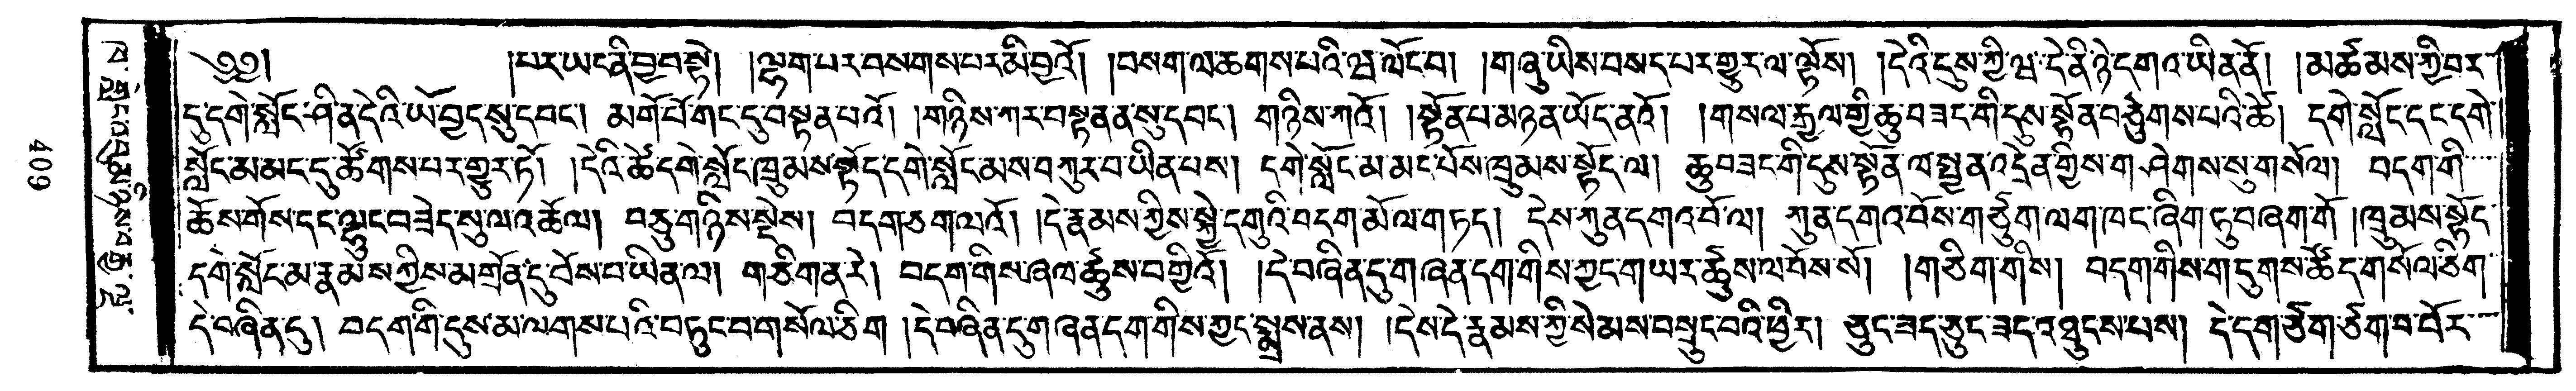༄༅། །པར་ཡང་ནི་བྱ་བ་སྟེ། །ལྷག་པར་བསགས་པར་མི་བྱའོ། །བསག་ལ་ཆགས་པའི་ཝ་ལོང་བ། །གཞུ་ཡིས་བསད་པར་གྱུར་ལ་ལྟོས། །དེའི་དུས་ཀྱི་ཝ་དེ་ནི་ཉེ་དགའ་ཡིན་ནོ། །མཚམས་ཀྱི་བར་
དུ་དགེ་སློང་ཤི་ན་དེའི་ཡོ་བྱད་སུ་དབང་། མགོ་པོ་གང་དུ་བསྟན་པའོ། །གཉིས་ཀར་བསྟན་ན་སུ་དབང་། གཉིས་ཀའོ། །སྟོན་པ་མཉན་ཡོད་ནའོ། །གསལ་རྒྱལ་གྱི་ཆུ་བཟང་གི་དུས་སྟོན་བཙུགས་པའི་ཚེ། དགེ་སློང་དང་དགེ་
སློང་མ་མང་དུ་ཚོགས་པར་གྱུར་ཏོ། །དེའི་ཚེ་དགེ་སློང་ཁྲུམས་སྟོད་དགེ་སློང་མས་བཀུར་བ་ཡིན་པས། དགེ་སློང་མ་མང་པོས་ཁྲུམས་གཏོད་ལ། ཆུ་བཟང་གི་དུས་སྟོན་ལ་སྤྱན་འདྲེན་གྱིས་གཤེགས་སུ་གསོལ། བདག་གི་
ཆོས་གོས་དང་ལྷུང་བཟེད་སུ་ལ་འཆོལ། བཅུ་གཉིས་སྡེས། བདག་ཅག་ལའོ། །དེ་རྣམས་ཀྱིས་སྐྱེ་དགུའི་བདག་མོ་ལ་གཏད། དེས་ཀུན་དགའ་བོ་ལ། ཀུན་དགའ་བོས་གཙུག་ལག་ཁང་ཞིག་ཏུ་བཞག་གོ །ཁྲུམས་སྟོང་
དགེ་སློང་མ་རྣམས་ཀྱིས་མགྲོན་དུ་བོས་པ་ཡིན་ལ། གཅིག་ན་རེ། བདག་གིས་ཞལ་ཚུས་བགྱིའོ། །དེ་བཞིན་དུ་གཞན་དག་གིས་ཀྱང་གཡར་ཚུར་ལ་བོས་སོ། །གཅིག་གིས། བདག་གིས་གདུགས་ཚོད་གསོལ་ཅིག་
དེ་བཞིན་དུ། བདག་གི་དུས་མ་ལགས་པའི་བཏུང་བ་གསོལ་ཅིག །དེ་བཞིན་དུ་གཞན་དག་གིས་ཀྱང་སྨྲས་ནས། །དེས་དེ་རྣམས་ཀྱི་སེམས་བསྲུང་བའི་ཕྱིར། ཅུང་ཟད་ཅུང་ཟད་འཐུངས་པས། དེ་དག་ཙག་ཙག་བ་བོར་